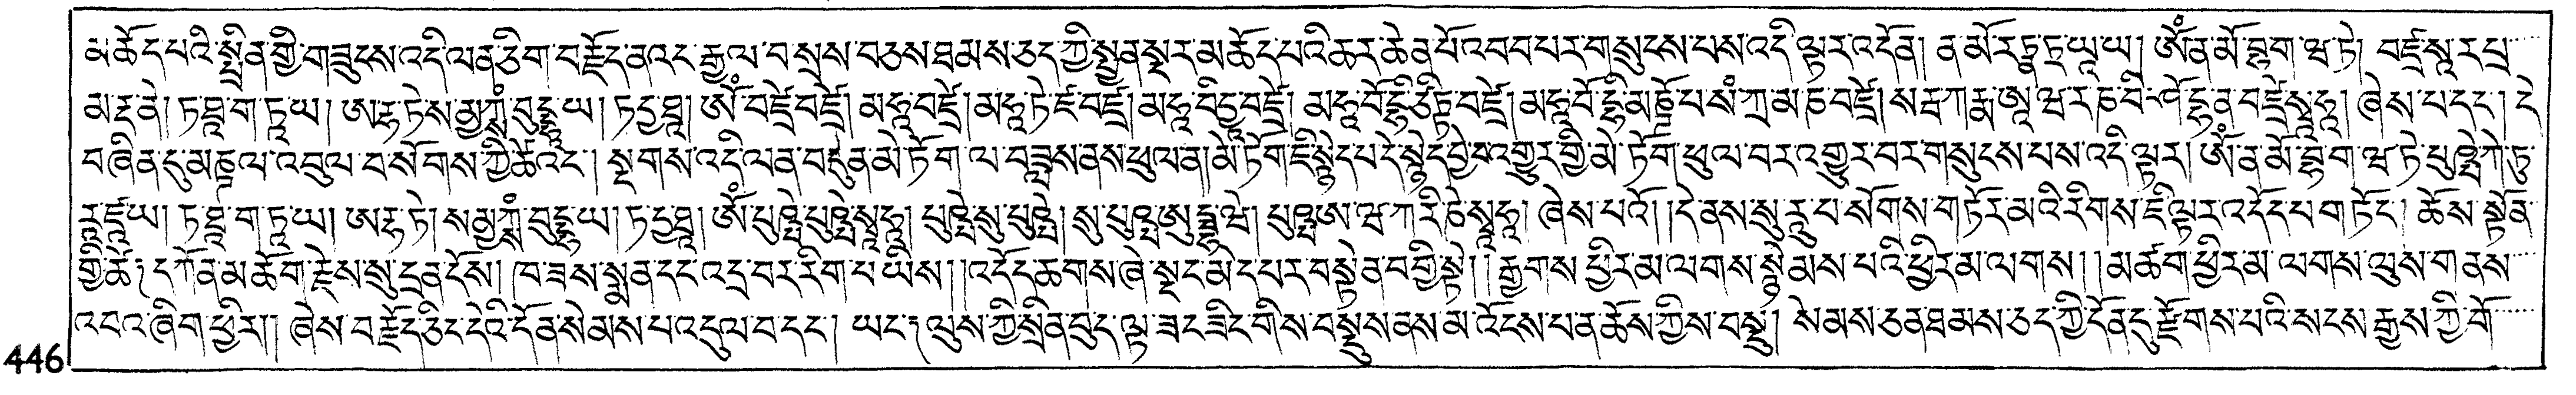མཆོད་པའི་སྤྲིན་གྱི་གཟུངས་འདི་ལན་ཅིག་བརྗོད་ནའང་རྒྱལ་བ་སྲས་བཅས་ཐམས་ཅད་ཀྱི་སྤྱན་སྔར་མཆོད་པའི་ཆར་ཆེན་པོ་འབབ་པར་གསུངས་པས་འདི་ལྟར་འདོན། ན་མོ་རཏྣ་ཏྲ་ཡཱ་ཡ། ཨོཾ་ན་མོ་བྷ་ག་ཝ་ཏེ། བཛྲ་སཱ་ར་པྲ་
མ་རྡ་ནེ། ཏ་ཐཱ་ག་ཏཱ་ཡ། ཨ་རྷ་ཏེ་ས་མྱཀྶཾ་བུདྡྷཱ་ཡ། ཏ་དྱ་ཐཱ། ཨོཾ་བཛྲེ་བཛྲེ། མཧཱ་བཛྲེ། མཧཱ་ཏེ་ཛ་བཛྲ། མཧཱ་བིདྱ་བཛྲེ། མཧཱ་བོ་དྷི་ཙིཏྟ་བཛྲེ། མཧཱ་བོ་དྷི་མཎྜོ་པ་སཾ་ཀྲ་མ་ཎ་བཛྲེ། སརྦ་ཀརྨ་ཨཱ་ཝ་ར་ཎ་བི་ཤོ་དྷ་ན་བཛྲེ་སྭཱཧཱ། ཞེས་པ་དང་། དེ་
བཞིན་དུ་མཎྜལ་འབུལ་བ་སོགས་ཀྱི་ཚེའང་། སྔགས་འདི་ལན་བདུན་མེ་ཏོག་ལ་བཟླས་ནས་ཕུལ་ན། མེ་ཏོག་ཇི་སྙེད་པ་དེ་སྙེད་བྱེ་བ་འགྱུར་གྱི་མེ་ཏོག་ཕུལ་བར་འགྱུར་བར་གསུངས་པས་འདི་ལྟར། ཨོཾ་ན་མོ་བྷ་ག་ཝ་ཏེ་པུཥྤེ་ཀེ་ཏུ་
རཱ་ཛཱ་ཡ། ཏ་ཐཱ་ག་ཏཱ་ཡ། ཨརྷ་ཏེ། སམྱཀྶཾ་བུདྡྷ་ཡ། ཏ་དྱ་ཐཱ། ཨོཾ་པུཥྤེ་པུཥྤེ་སྭཱཧཱ། པུཥྤེ་སུ་པུཥྤེ། སུ་པུཥྤ་ཨུ་དྡྷ་ཝེ། པུཥྤ་ཨ་ཝ་ཀ་རི་ཎེ་སྭཱཧཱ། ཞེས་པའོ། །དེ་ནས་སུ་རཱུ་པ་སོགས་གཏོར་མའི་རིགས་ཇི་ལྟར་འདོད་པ་གཏོང་། ཆོས་སྟོན་
གྱི་ཚེ༑ དཀོན་མཆོག་རྗེས་སུ་དྲན་ངོས། ཁ་ཟས་སྨན་དང་འདྲ་བར་རིག་པ་ཡིས། །འདོད་ཆགས་ཞེ་སྡང་མེད་པར་བསྟེན་བགྱི་སྟེ། །རྒྱགས་ཕྱིར་མ་ལགས་སྙེམས་པའི་ཕྱིར་མ་ལགས། །མཚག་ཕྱིར་མ་ལགས་ལུས་གནས་
འབའ་ཞིག་ཕྱིར། །ཞེས་བརྗོད་ཅིང་དེའི་དོན་སེམས་པ་འདུལ་བ་དང་། ཡང༑ ལུས་ཀྱི་སྲིན་བུ་ད་ལྟ་ཟང་ཟིང་གིས་བསྡུས་ནས་མ་འོངས་པ་ན་ཆོས་ཀྱིས་བསྡུ། སེམས་ཅན་ཐམས་ཅད་ཀྱི་དོན་དུ་རྫོགས་པའི་སངས་རྒྱས་གྱི་གོ་